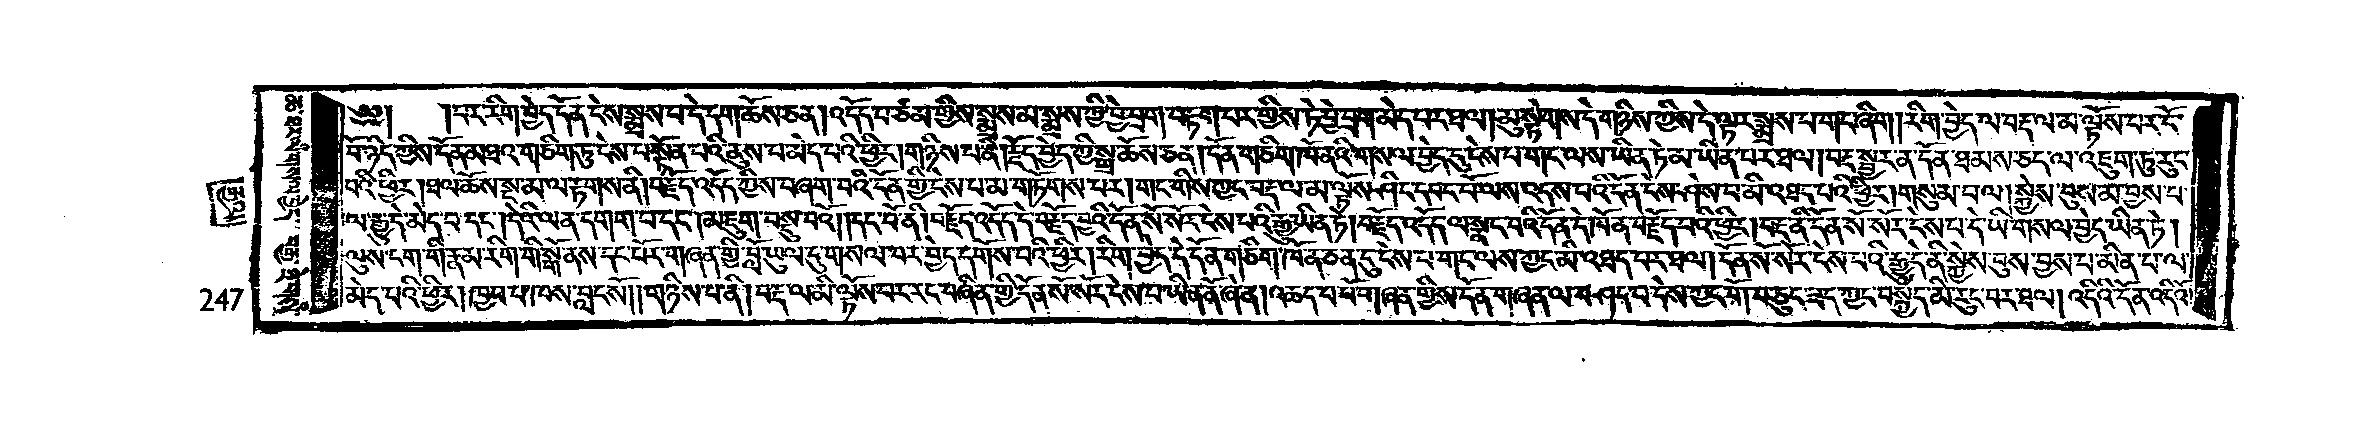༄༅། །པར་རིག་བྱེད་དོན་ངེས་སྨྲས་པ་དེ་དག་ཆོས་ཅན། འདོད་པ་ཙམ་གྱིས་སྨྲས་མ་སྨྲས་ཀྱི་བྱེ་བྲག་བརྟག་པར་གྱིས་ཏེ་བྱེ་བྲག་མེད་པར་ཐལ། མུ་སྟེགས་དེ་གཉིས་ཀྱིས་དེ་ལྟར་སྨྲས་པ་གང་ཞིག །རིག་བྱེད་ལ་བརྡ་ལ་མ་ལྟོས་པར་ངོ་
བོ་ཉིད་ཀྱིས་དོན་མཐའ་གཅིག་ཏུ་ངེས་པ་སྟོན་པའི་ནུས་པ་མེད་པའི་ཕྱིར། གཉིས་པ་ནི། རྗོད་བྱེད་ཀྱི་སྒྲ་ཆོས་ཅན། དོན་གཅིག་ཁོ་ནའི་གསལ་བྱེད་དུ་ངེས་པ་གང་ལས་ཡིན་ཏེ་མ་ཡིན་པར་ཐལ། བརྡ་སྦྱར་ན་དོན་ཐམས་ཅད་ལ་འཇུག་ཏུ་རུང་
བའི་ཕྱིར། ཐལ་ཆོས་སྔ་མ་ལ་རྟགས་ནི། བརྗོད་འདོད་ཀྱིས་བཞག་པའི་དོན་གྱི་ངེས་པ་མ་གཏོགས་པར། གང་གིས་ཀྱང་བརྡ་ལ་མ་ལྟོས་ཤིང་དབང་པོ་ལས་འདས་པའི་དོན་ངེས་ཤེས་པ་མི་འཐད་པའི་ཕྱིར། གསུམ་པ་ལ། སྐྱེས་བུས་མ་བྱས་པ་
ལ་རྒྱུ་དེ་མེད་པ་དང་། དེའི་ལན་དགག་པ་དང་། མཇུག་བསྡུ་བའོ། །དང་པོ་ནི། བརྗོད་འདོད་དེ་བརྗོད་བྱའི་དོན་སོ་སོར་ངེས་པའི་རྒྱུ་ཡིན་ཏེ། བརྗོད་འདོད་ལ་སྣང་བའི་དོན་དེ་ཁོ་ན་བརྗོད་པའི་ཕྱིར། བརྡ་ནི་དོན་སོ་སོར་ངེས་པ་དེ་ཡི་གསལ་བྱེད་ཡིན་ཏེ།
ལུས་ངག་གི་རྣམ་རིག་གི་སྒོ་ནས་དང་པོར་གཞན་གྱི་བློ་ཡུལ་དུ་གསལ་བར་བྱེད་དགོས་པའི་ཕྱིར། རིག་བྱེད་དེ་དོན་གཅིག་ཁོ་ན་ཅན་དུ་ངེས་པ་གང་ལས་ཀྱང་མི་འཐད་པར་ཐལ། དོན་སོ་སོར་ངེས་པའི་རྒྱུ་དེ་ནི་སྐྱེས་བུས་བྱས་པ་མིན་པ་ལ་
མེད་པའི་ཕྱིར། ཁྱབ་པ་ཁས་བླངས་སོ། །གཉིས་པ་ནི། བརྡ་ལ་མི་ལྟོས་པར་རང་བཞིན་གྱི་དོན་སོ་སོར་ངེས་པ་ཡིན་ནོ་ཞེ་ན། འཆད་པ་པོ་གཞན་གྱིས་དོན་གཞན་ལ་བཤད་པ་དེས་ཀྱང་གོ་བ་ཅུང་ཟད་ཀྱང་བསྐྱེད་མི་རུང་བར་ཐལ། འདིའི་དོན་འདིའོ།